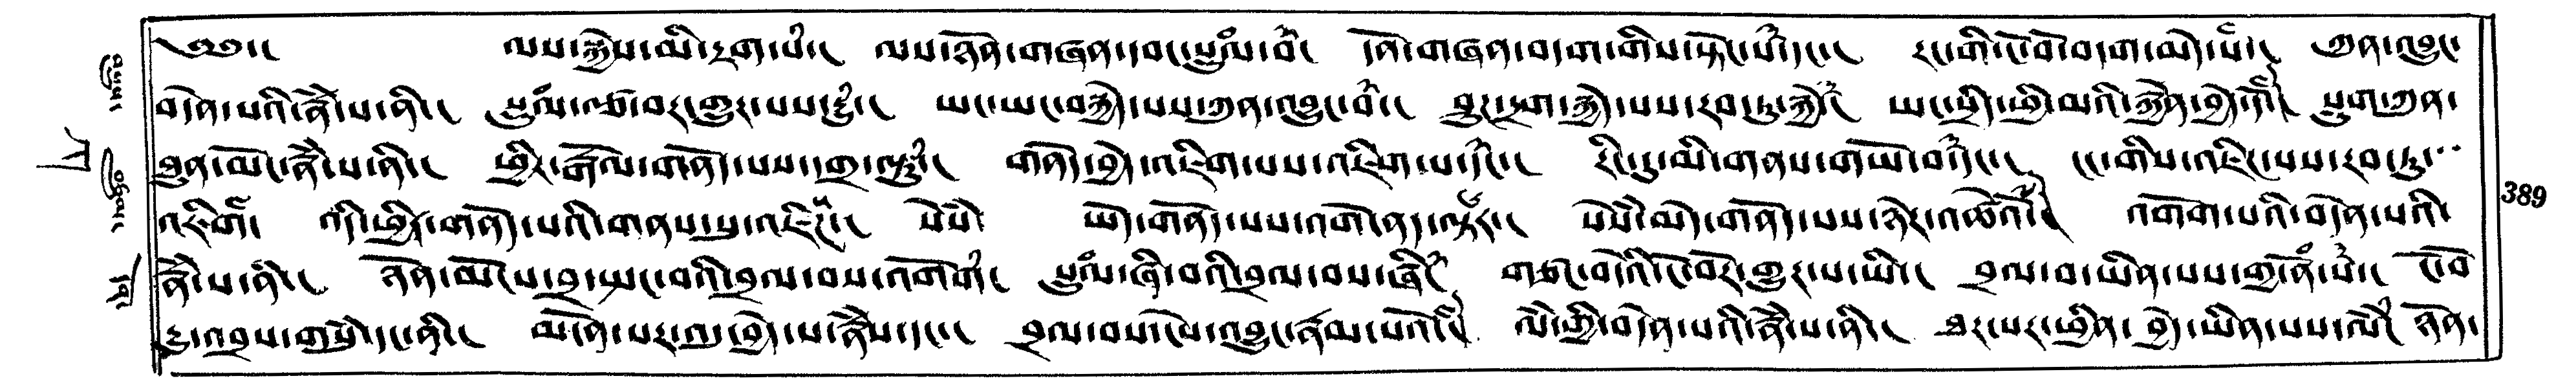ལས་སྐྱེས་མི་རྟག་པ། །ལས་ཉོན་གཞན་དབང་སྡུག་བསྔལ་བ། །དོན་གཞན་བདག་གིས་སྟོངས་པ་དང་། །རང་གི་ངོ་བོ་བདག་མེད་པ། །ཀུན་འབྱུང་
བདེན་པའི་རྣམ་པ་ནི། །སྡུག་བསྔལ་རྩ་བར་གྱུར་པས་རྒྱུ། །ཡང་ཡང་བསྐྱེད་པས་ཀུན་འབྱུང་བ། །ཤུགས་དྲག་སྐྱེད་པས་རབ་ཏུ་སྐྱེ། །ཡང་སྲིད་ཕྱི་མའི་རྐྱེན་བྱེད་དེ། །སྡུག་ཀུན་
ཐུན་མོང་རྣམ་པ་ནི། །ཕྱིར་རྒོལ་གནོད་པས་དགྲ་ལྟ་བུ། །གནོད་བྱེད་འཇིགས་པས་འཇིགས་པ་དང་། །རིང་དུ་མི་གནས་གཡོ་བ་དང་། །ངང་གིས་འཇིགས་པས་རབ་ཏུ་
འཇིགས། །འདི་ཕྱིར་གནོད་པའི་གནས་སུ་འཇིགས། །སེམས་ཡོད་གནོད་པས་འགོས་ནད་ལྟར། །སེམས་མེད་གནོད་པས་ཉེར་འཚེའོ། །འགོག་པའི་བདེན་པའི་
རྣམ་པ་ནི། །ཉོན་མོངས་སྤངས་བའི་བྲལ་བས་འགོག །སྡུག་བསྔལ་ཞི་བའི་བྲལ་བས་ཞི། །གཙང་བདེའི་ངོ་བོར་གྱུར་པ་ཡི། །བྲལ་བ་ཡིན་པས་གྱ་ནོམ་པ། །ངོ་བོ་
རྒྱུ་འབྲས་གསུམ་དང་ནི། །མངོན་པར་འདུ་བྱེད་པ་རྣམས་དང་། །བྲལ་བས་ངེས་འབྱུང་རྣམ་པའོ། །ལམ་གྱི་བདེན་པའི་རྣམ་པ་ནི། །ཐར་པར་ཕྱིན་བྱེད་ཡིན་པས་ལམ། །ཉོན་